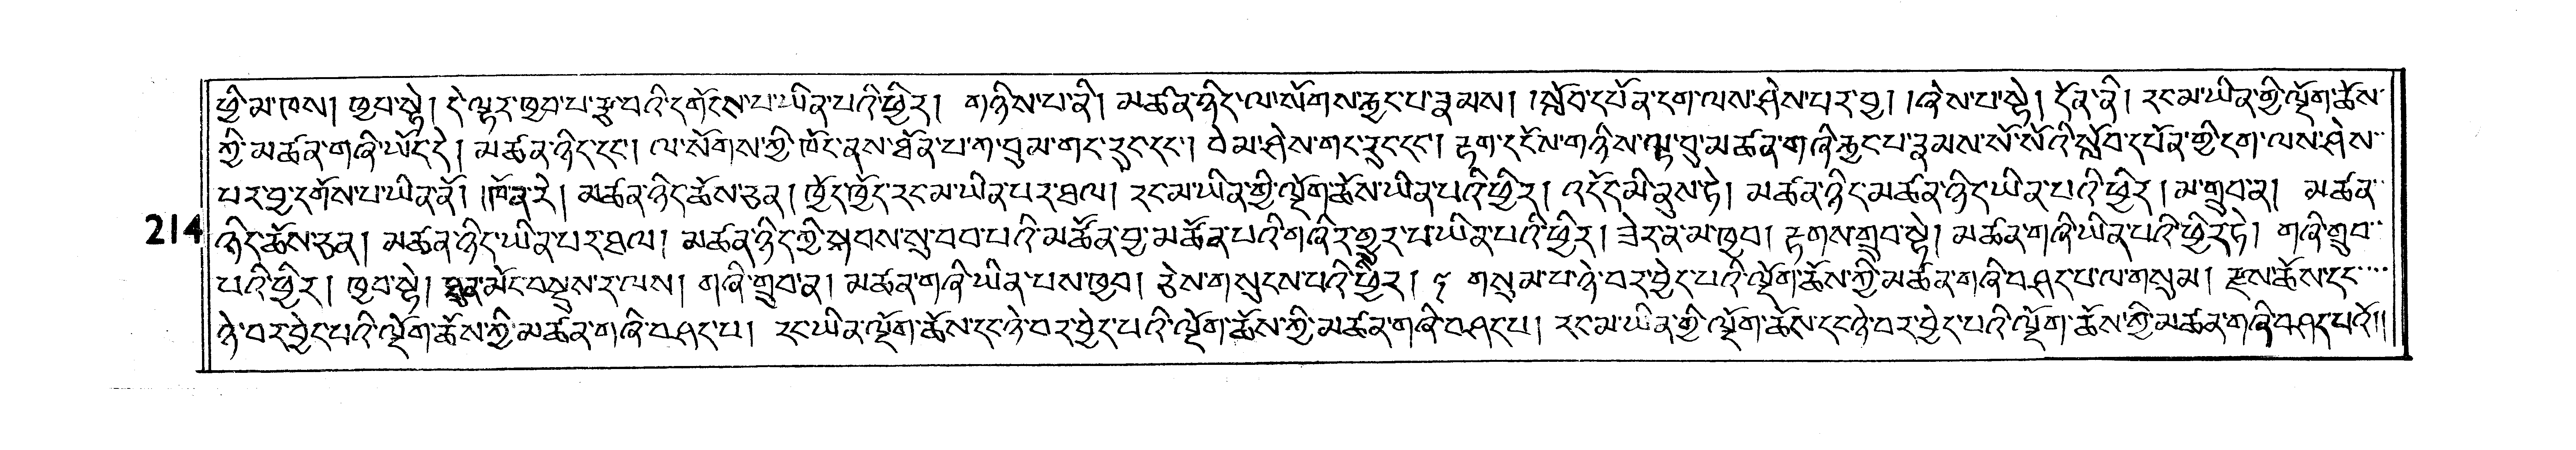ཕྱི་མ་ཁས། ཁྱབ་སྟེ། དེ་ལྟར་ཁྱབ་པ་རྩ་བའི་དགོངས་པ་ཡིན་པའི་ཕྱིར། གཉིས་པ་ནི། མཚན་ཉིད་ལ་སོགས་རྐྱང་པ་རྣམས། །སློབ་དཔོན་དག་ལས་ཤེས་པར་བྱ། །ཞེས་པ་སྟེ། དོན་ནི། རང་མ་ཡིན་གྱི་ལྡོག་ཆོས་
ཀྱི་མཚན་གཞི་ཡོད་དེ། མཚན་ཉིད་དང་། ལ་སོགས་ཀྱི་ཁོང་ནས་ཐོན་པ་ཀ་བུམ་གང་རུང་དང་། བེམ་ཤེས་གང་རུང་དང་། རྟག་དངོས་གཉིས་ལྟ་བུ་མཚན་གཞི་རྐྱང་པ་རྣམས་སོ་སོའི་སློབ་དཔོན་གྱི་ངག་ལས་ཤེས་
པར་བྱ་དགོས་པ་ཡིན་ནོ། །ཁོ་ན་རེ། མཚན་ཉིད་ཆོས་ཅན། ཁྱོད་ཁྱོད་རང་མ་ཡིན་པར་ཐལ། རང་མ་ཡིན་གྱི་ལྡོག་ཆོས་ཡིན་པའི་ཕྱིར། འདོད་མི་ནུས་ཏེ། མཚན་ཉིད་མཚན་ཉིད་ཡིན་པའི་ཕྱིར། མ་གྲུབ་ན། མཚན་
ཉིད་ཆོས་ཅན། མཚན་ཉིད་ཡིན་པར་ཐལ། མཚན་ཉིད་ཀྱི་སྐབས་སུ་བབ་པའི་མཚོན་བྱ་མཚོན་པའི་གཞིར་གྱུར་པ་ཡིན་པའི་ཕྱིར། ཟེར་ན་མ་ཁྱབ། རྟགས་གྲུབ་སྟེ། མཚན་གཞི་ཡིན་པའི་ཕྱིར་ཏེ། གཞི་གྲུབ་
པའི་ཕྱིར། ཁྱབ་སྟེ། ཐུན་མོང་བསྡུས་ར་ལས། གཞི་གྲུབ་ན། མཚན་གཞི་ཡིན་པས་ཁྱབ། ཅེས་གསུངས་པའི་ཕྱིར། ༈ གསུམ་པ་ཉེ་བར་བྱེད་པའི་ལྡོག་ཆོས་ཀྱི་མཚན་གཞི་བཤད་པ་ལ་གསུམ། རྫས་ཆོས་དང་
ཉེ་བར་བྱེད་པའི་ལྡོག་ཆོས་ཀྱི་མཚན་གཞི་བཤད་པ། རང་ཡིན་ལྡོག་ཆོས་དང་ཉེ་བར་བྱེད་པའི་ལྡོག་ཆོས་ཀྱི་མཚན་གཞི་བཤད་པ། རང་མ་ཡིན་གྱི་ལྡོག་ཆོས་དང་ཉེ་བར་བྱེད་པའི་ལྡོག་ཆོས་ཀྱི་མཚན་གཞི་བཤད་པའོ།།